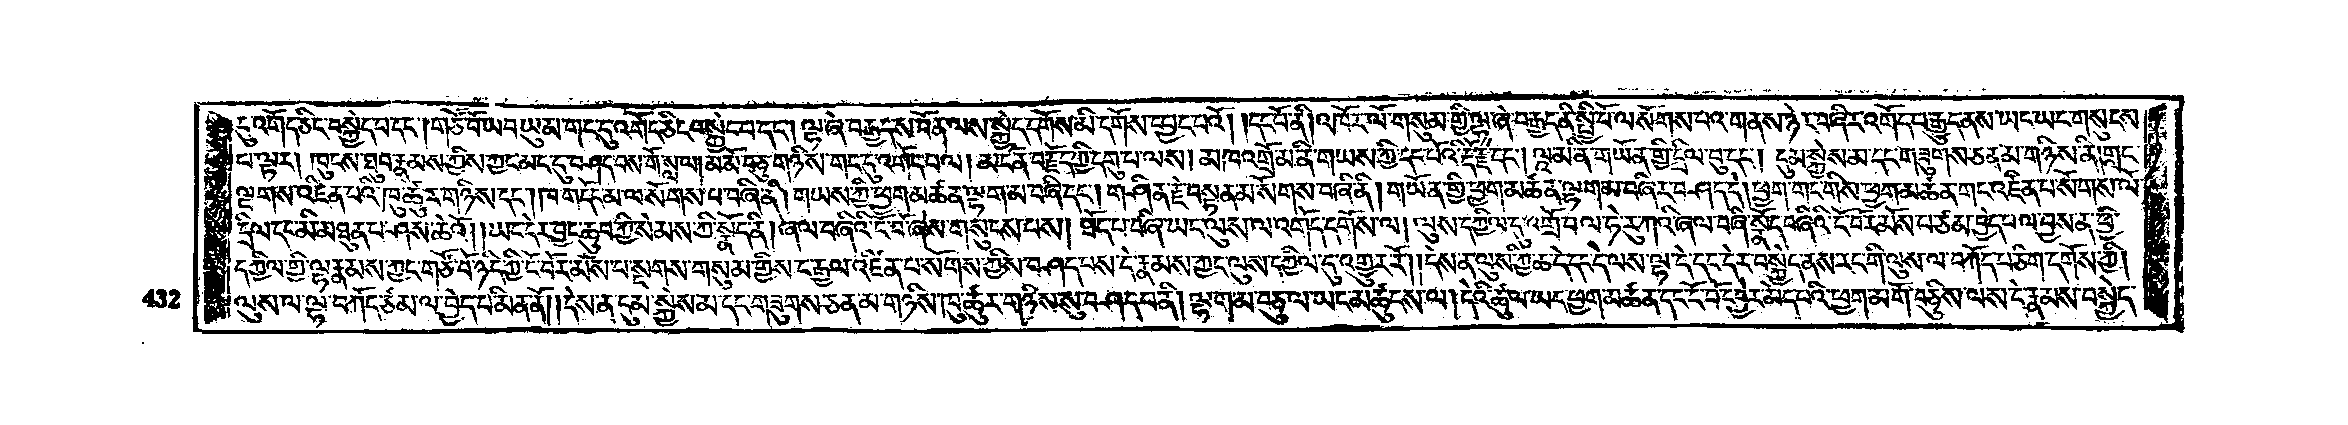དུ་འགོད་ཅིང་བསྐྱེད་པ་དང་། གཙོ་བོ་ཡབ་ཡུམ་གང་དུ་འགོད་ཅིང་བསྐྱེད་པ་དང་། ལྷ་ཞེ་བརྒྱད་ས་བོན་ལས་སྐྱེད་དགོས་མི་དགོས་དཔྱང་པའོ། །དང་པོ་ནི། འཁོར་ལོ་གསུམ་གྱི་ལྷ་ཞེ་བརྒྱད་ནི་སྤྱི་བོ་ལ་སོགས་པའི་གནས་ཉེར་བཞིར་འགོད་པ་རྒྱུད་ནས་ཡང་ཡང་གསུངས་
པ་ལྟར། ཁུངས་ཐུབ་རྣམས་ཀྱིས་ཀྱང་མང་དུ་བཤད་པས་གོ་སླ་ལ། མ་མོ་བཅུ་གཉིས་གང་དུ་འགོད་པ་ལ། མངོན་བརྗོད་ཀྱི་དགུ་པ་ལས། མཁའ་འགྲོ་མ་ནི་གཡས་ཀྱི་དང་པོའི་རྡོ་རྗེ་དང་། ལཱ་མ་ནི་གཡོན་གྱི་དྲིལ་བུ་དང་། དུམ་སྐྱེས་མ་དང་གཟུགས་ཅན་མ་གཉིས་ནི། གླང་
ལྔགས་འཛིན་པའི་ཁུ་ཚུར་གཉིས་དང་། ཁ་གདོང་མ་ལ་སོགས་པ་བཞི་ནི། གཡས་ཀྱི་ཕྱག་མཚན་ལྷག་མ་བཞི་དང་། གཤིན་རྗེ་བསྟན་མ་སོགས་བཞི་ནི། གཡོན་གྱི་ཕྱག་མཚན་ལྷག་མ་བཞིར་བཤད་དེ། ཕྱག་གང་གིས་ཕྱག་མཚན་གང་འཛིན་པ་སོགས་ལོ་
དྲིལ་དང་མི་མཐུན་པ་ཤས་ཆེའོ། །ཡང་དེར་བྱང་ཆུབ་ཀྱི་སེམས་ཀྱི་སྣོད་ནི། ཞལ་བཞིའི་ངོ་བོ་ཞེས་གསུངས་པས། ཐོད་པ་བཞི་ཡང་ལུས་ལ་འགོད་དགོས་ལ། ལུས་དཀྱིལ་དུ་འགྲོ་བ་ལ་ཧེ་རུ་ཀའི་ཞལ་བཞི་སྣོད་བཞིའི་ངོ་བོར་མོས་པ་ཙམ་བྱེད་པ་ལ་བྱས་ན་ཕྱི་
དཀྱིལ་གྱི་ལྷ་རྣམས་ཀྱང་གཙོ་བོ་ཉིད་ཀྱི་ངོ་བོར་མོས་པ་སྔགས་གསུམ་གྱིས་ང་རྒྱལ་འཛིན་པ་སོགས་ཀྱིས་བཤད་པས་དེ་རྣམས་ཀྱང་ལུས་དཀྱིལ་དུ་འགྱུར་རོ། །དེས་ན་ལུས་ཀྱི་ཆ་དེ་དང་དེ་ལས་ལྷ་དེ་དང་དེར་བསྐྱེད་ནས་རང་གི་ལུས་ལ་བཀོད་པ་ཅིག་དགོས་ཀྱི།
ལུས་ལ་ལྷ་བཀོད་ཙམ་ལ་བྱེད་པ་མིན་ནོ། །དེས་ན་དུམ་སྐྱེས་མ་དང་གཟུགས་ཅན་མ་གཉིས་ཁུ་ཚུར་གཉིས་སུ་བཤད་པ་ནི། ལྷག་མ་བཅུ་ལ་ཡང་མཚུངས་ལ། དེའི་ཚུལ་ཡང་ཕྱག་མཚན་དང་ངོ་བོ་དབྱེར་མེད་པའི་ཕྱག་མགོ་བཅུ་གཉིས་ལས་དེ་རྣམས་བསྐྱེད་